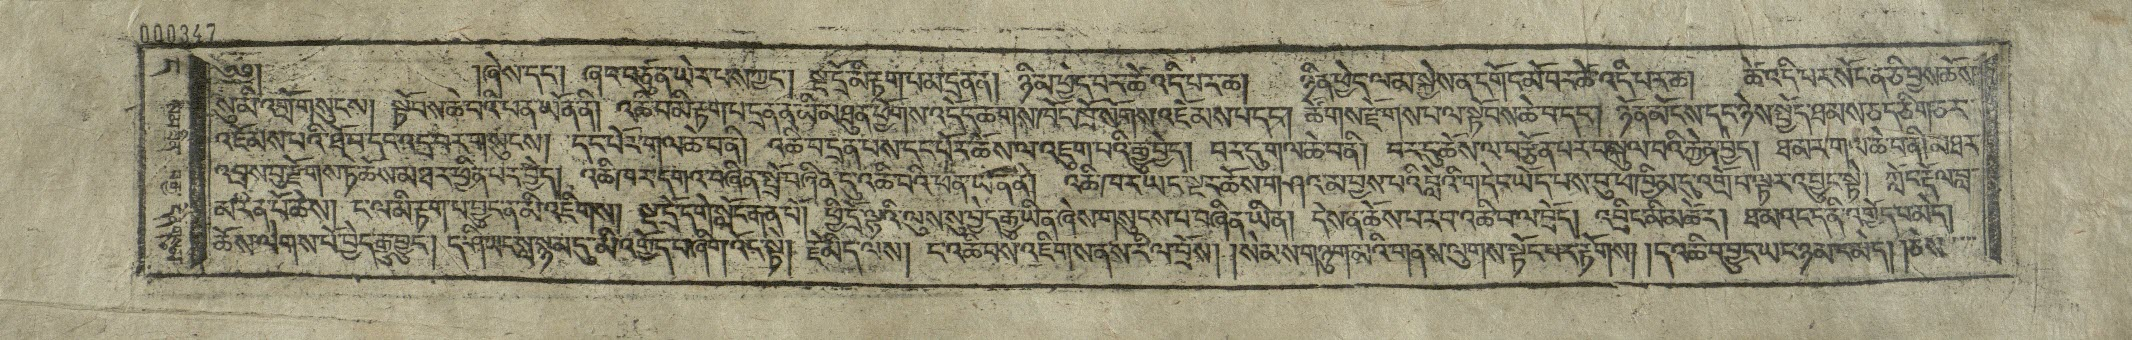༄༅། །ཞེས་དང་། ཞང་བཙུན་ཡེར་པས་ཀྱང་། སྔ་དྲོ་མི་རྟག་པ་མ་དྲན་ན། ཉི་མ་ཕྱེད་བར་ཚེ་འདི་པར་ཆ། ཉིན་ཕྱེད་ལ་མ་སྐྱེས་ན་དགོང་མོ་བར་ཚེ་འདི་པར་ཆ། ཚེ་འདི་པར་སོང་ན་ཅི་བྱས་ཆོས་
སུ་མི་འགྲོ་གསུངས། སྟོབས་ཆེ་བའི་ཕན་ཡོན་ནི། འཆི་བ་མི་རྟག་པ་དྲན་ན་མི་མཐུན་ཕྱོགས་འདོད་ཆགས་ཁོང་ཁྲོ་སོགས་འཇོམས་པ་དང་། ཚོགས་རྫོགས་པ་ལ་སྟོབས་ཆེ་བ་དང་། ཉོན་མོངས་དང་ཉེས་སྤྱོད་ཐམས་ཅད་ཅིག་ཅར་
འཇོམས་པའི་ཐོ་བ་དང་འདྲ་བར་གསུངས། དང་པོར་གལ་ཆེ་བ་ནི། འཆི་བ་དྲན་པས་དང་པོར་ཆོས་ལ་འཇུག་པའི་རྒྱུ་བྱེད། བར་དུ་གལ་ཆེ་བ་ནི། བར་དུ་ཆོས་ལ་བརྩོན་པར་བསྐུལ་བའི་རྐྱེན་བྱེད། ཐ་མར་གལ་ཆེ་བ་ནི། མཐར་
འབྲས་བུ་རྫོགས་ཏེ་ཆོས་མཐར་ཕྱིན་པར་བྱེད། འཆི་ཁར་དགའ་བཞིན་སྤྲོ་བཞིན་དུ་འཆི་བའི་ཕན་ཡོན་ནི། འཆི་ཁར་ཡང་སྔར་ཆོས་གཤའ་མ་བྱས་པའི་བློའི་གདེང་ཡོད་པས་བུ་ཕ་ཁྱིམ་དུ་འགྲོ་བ་ལྟར་འབྱུང་སྟེ། ཀློང་རྡོལ་བླ་
མ་རིན་པོ་ཆེས། ང་ལ་མི་རྟག་པ་བྱུང་ན་མི་འཇིགས། སྔ་དྲོ་དགེ་སློང་རྒན་པོ། ཕྱི་དྲོ་ལྷའི་ལུས་སུ་བྱེད་རྒྱུ་ཡིན་ཞེས་གསུངས་པ་བཞིན་ཡིན། དེས་ན་ཆོས་པ་རབ་འཆི་བ་ལ་བྲོད། འབྲིང་མི་མཚེར། ཐ་མའང་ད་ནི་འགྱོད་པ་མེད།
ཆོས་ལེགས་པོ་བྱེད་རྒྱུ་བྱུང་། ད་ཤི་ཡང་སླ་སྙམ་དུ་མི་འགྱོད་པ་ཞིག་འོང་སྟེ། རྗེ་མིད་ལས། ང་འཆི་བས་འཇིགས་ནས་རི་ལ་བྲོས། །སེམས་གཉུག་མའི་གནས་ལུགས་སྟོང་པར་རྟོགས། །ད་འཆི་བ་བྱུང་ཡང་ཉམ་ང་མེད། །ཅེས་